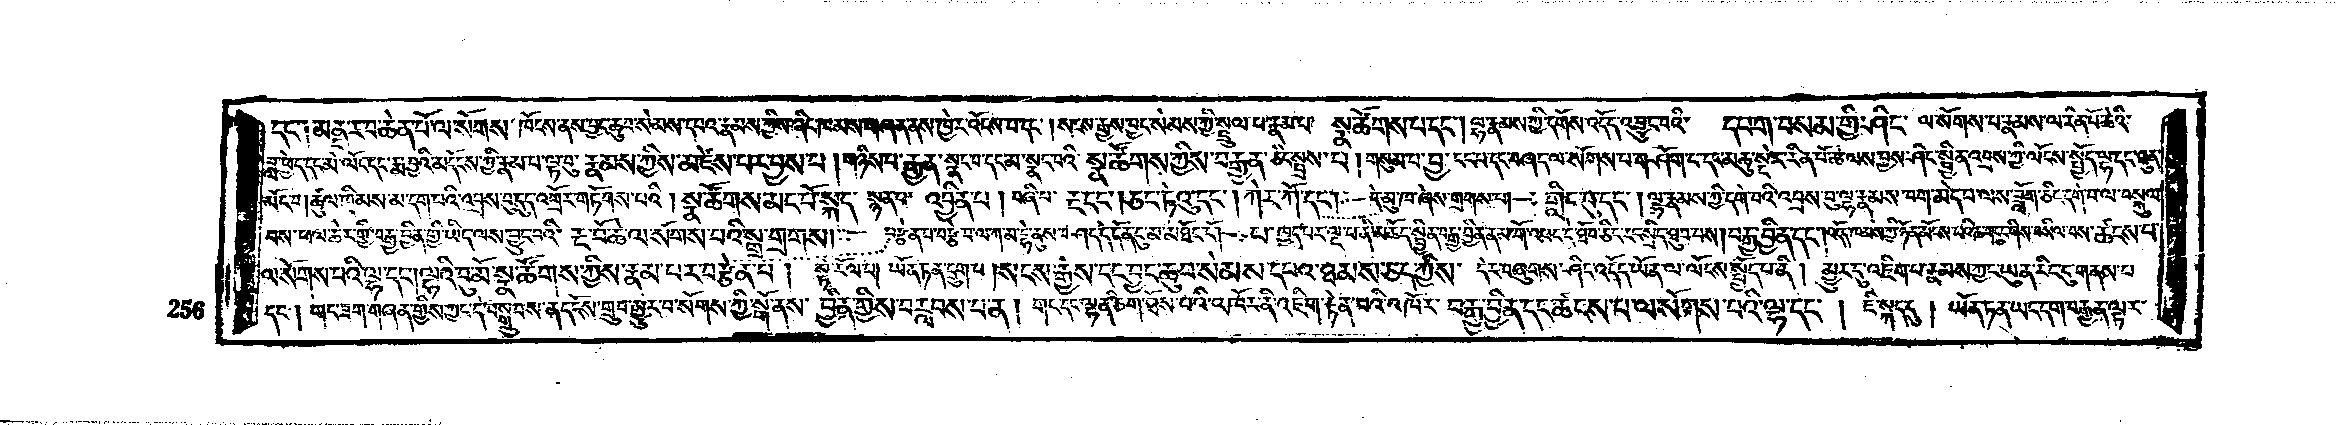དང་། མནྡ་ར་བ་ཆེན་པོ་ལ་སོགས་ཁོངས་ནས་བྱང་ཆུབ་སེམས་དཔའ་རྣམས་ཀྱིས་ཞིང་ཁམས་གཞན་ནས་ཁྱེར་འོངས་པ་དང་། སངས་རྒྱས་བྱང་སེམས་ཀྱི་སྤྲུལ་པ་རྣམ་པ་སྣ་ཚོགས་པ་དང་། ལྷ་རྣམས་ཀྱི་དགོས་འདོད་འབྱུང་བའི་དཔག་བསམ་གྱི་ཤིང་ལ་སོགས་པ་རྣམས་ལ་རིན་པོ་ཆེའི་
ཟླ་ཕྱེད་དང་མེ་ལོང་དང་རྨ་བྱའི་མདོངས་ཀྱི་རྣམ་པ་ལྟ་བུ་རྣམས་ཀྱིས་མཛེས་པར་བྱས་པ། གཉིས་པ་རྒྱན་སྣང་བ་དང་མ་སྣང་བའི་སྣ་ཚོགས་ཀྱིས་བརྒྱན་ཅིང་སྤྲས་པ། གསུམ་པ་བྱ་ངང་པ་དང་བཞད་ལ་སོགས་པ་གཤོག་པ་དང་མཆུ་སྡེང་རིན་པོ་ཆེ་ལས་བྱས་ཤིང་སྦྱིན་འབྲས་ཀྱི་ལོངས་སྤྱོད་ལྷ་དང་ཐུན་
མོང་བ། ཚུལ་ཁྲིམས་མ་དག་པའི་འབྲས་བུ་དུད་འགྲོར་གཏོགས་པའི། སྣ་ཚོགས་མང་པོ་སྐད་སྙན་པ་འབྱིན་པ། བཞི་པ་རྔ་དང་། ཅང་ཏེའུ་དང་། ཀེར་ཀོ་དང་། དེ་མུ་ཁ་ཞེས་གྲགས་པ། གླིང་བུ་དང་། ལྷ་རྣམས་ཀྱི་དགེ་བའི་འབྲས་བུ་ལྷ་རྣམས་བག་མེད་པ་ལས་ཟློག་ཅིང་དགེ་བ་ལ་བསྐུལ་
བས་ཕལ་ཆེར་གྱི་བརྒྱ་བྱིན་གྱི་ཡིད་ལས་བྱུང་བའི་རྔ་བོ་ཆེ་ལ་སོགས་པའི་སྒྲ་གྲགས། བརྩེན་པ་བརྩེ་བ་ལ་ཀ་མ་དྷེ་ནུས་བཤད་དེ་དོན་དུ་མ་མཐོང་ངོ། པ་ཁྱད་པར་ལྔ་པ་ནི་མཆོད་སྦྱིན་བརྒྱ་བྱིན་ནམ་གོ་འཕང་དེ་ཐོབ་ཅིང་རང་སྲིད་ཐུབ་པས། བརྒྱ་བྱིན་དང་། འདོད་ཁམས་ཀྱི་ཉོན་མོངས་པའི་ཆ་གདུང་གིས་བསིལ་བས་ཚངས་པ་
ལ་སོགས་པའི་ལྷ་དང་། ལྷའི་བུ་མོ་སྣ་ཚོགས་ཀྱིས་རྣམ་པར་བརྩེན་པ། སྟེ་རེལ་པ། ཡོན་ཏན་དྲུག་པ། སངས་རྒྱས་དང་བྱང་ཆུབ་སེམས་དཔའ་ཐམས་ཅད་ཀྱིས་དེར་བཞུགས་ཤིང་འདོད་ཡོན་ལ་ལོངས་སྤྱོད་པ་ནི། མྱུར་དུ་འཇིག་པ་རྣམས་ཀྱང་ཡུན་རིང་དུ་གནས་པ་
དང་། གང་ཟག་གཞན་གྱིས་ཀྱང་དེ་བསྒྲུབས་ན་དངོས་གྲུབ་མྱུར་བ་སོགས་ཀྱི་སྒོ་ནས་བྱིན་གྱིས་བརླབས་པ་ན། གང་དང་ལྷན་ཅིག་ཐོས་པའི་འཁོར་ནི་འཇིག་རྟེན་པའི་འཁོར་བརྒྱ་བྱིན་དང་ཚངས་པ་ལ་སོགས་པའི་ལྷ་དང་། ཇི་སྐད་དུ། ཡོན་ཏན་ཡང་དག་བརྒྱན་ལྟར་